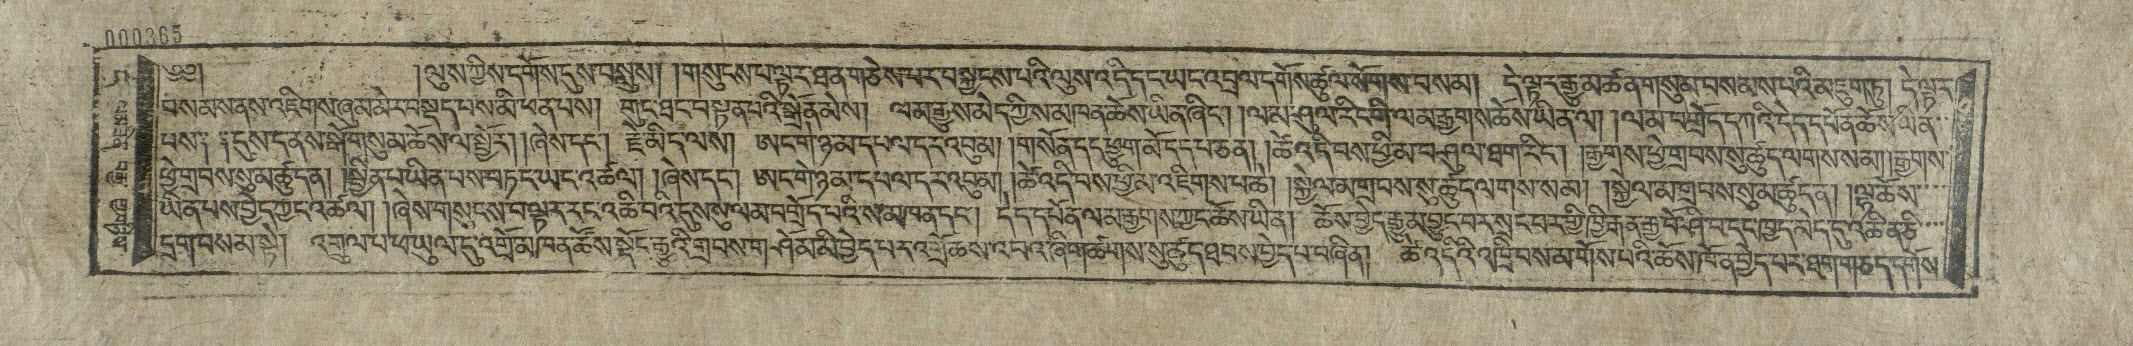༄༅། །ལུས་ཀྱིས་དགོས་དུས་བསླུས། །གསུངས་པ་ལྟར་ཐ་ན་གཅེས་པར་བསྐྱངས་པའི་ལུས་འདི་དང་ཡང་འབྲལ་དགོས་ཚུལ་སོགས་བསམ། དེ་ལྟར་རྒྱུ་མཚན་གསུམ་བསམས་པའི་མཇུག་ཏུ། དེ་ལྟར་
བསམས་ནས་འཇིགས་ཞུམ་མེར་བསྡད་པས་མི་ཕན་པས། གུང་ཐང་བསྟན་པའི་སྒྲོན་མེས། ལམ་རྒྱུས་མེད་ཀྱིས་མཁན་ཆོས་ཡིན་ཞིང་། །ལམ་ཤུལ་རིང་གི་ལམ་རྒྱགས་ཆོས་ཡིན་ལ། །ལམ་བགྲོད་དཀའི་དེད་དཔོན་ཆོས་ཡིན་
པས༑ ༑དུས་ད་ནས་སྒོ་གསུམ་ཆོས་ལ་སྦྱོར། །ཞེས་དང་། རྗེ་མིད་ལས། ཨང་གེ་ཉ་མ་དཔལ་དར་འབུམ། །གསེན་དང་ཕྱུག་མོ་དད་པ་ཅན། །ཚེ་འདི་བས་ཕྱི་མ་བཤུལ་ཐག་རིང་། །རྒྱགས་ཕྱེ་གྲབས་སུ་ཚུད་ལགས་སམ། །རྒྱགས་
ཕྱེ་གྲབས་སུ་མ་ཚུད་ན། །སྦྱིན་པ་ཡིན་པས་བཏང་ཡང་འཚལ། །ཞེས་དང་། ཨང་གེ་ཉ་མ་དཔལ་དར་འབུམ། །ཚེ་འདི་བས་ཕྱི་མ་འཇིགས་པ་ཆེ། །སྐྱེལ་མ་གྲབས་སུ་ཚུད་ལགས་སམ། །སྐྱེལ་མ་གྲབས་སུ་མ་ཚུད་ན། །ལྷ་ཆོས་
ཡིན་པས་བྱེད་ཀྱང་འཚལ། །ཞེས་གསུངས་པ་ལྟར་རང་འཆི་བའི་དུས་སུ་ལམ་བགྲོད་པའི་ས་མཁན་དང་། དེད་དཔོན་ལམ་རྒྱགས་ཀྱང་ཆོས་ཡིན། ཆོས་བྱེད་རྒྱུ་མ་བྱུང་བར་སྲང་བར་གྱི་ཁྱི་རྒན་རྒྱ་བོ་ཤི་བ་དང་ཁྱད་མེད་དུ་འཆི་ན་ཅི་
དྲག་བསམ་སྟེ། འགྲུལ་པ་ཕ་ཡུལ་དུ་འགྲོ་མཁན་ཚོས་སྡོད་རྒྱུའི་གྲབས་གཤོམ་མི་བྱེད་པར་འགྲོ་ཆས་འབའ་ཞིག་ཚགས་སུ་ཚུད་ཐབས་བྱེད་པ་བཞིན། ཚེ་འདིའི་འཁྲི་བས་མ་གོས་པའི་ཆོས་ཁོ་ན་བྱེད་པར་ཐག་གཅད་དགོས་